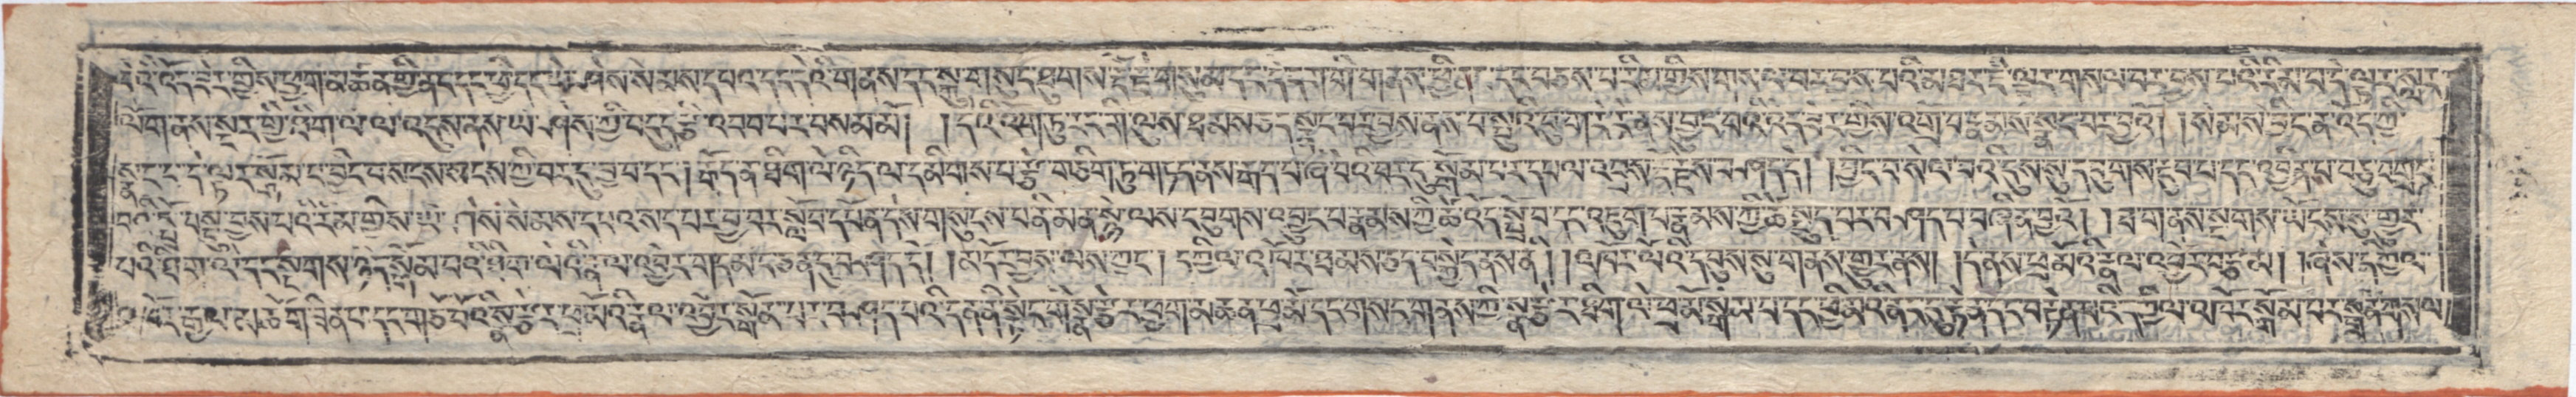དེའི་འོད་ཟེར་གྱིས་ཕྱག་མཚན་གྱི་ནང་དང་ཕྱི་དང་ཡེ་ཤེས་སེམས་དཔའ་དང་དེའི་གནས་དང་སྐུ་གསུང་ཐུགས་རྡོ་རྗེ་གསུམ་དང་དེ་དག་གི་གནས་ཕྱི་ནང་དང་བཅས་པ་རིམ་གྱིས་གསལ་བར་བྱས་པའི་མཐར་ཇི་ལྟར་གསལ་བར་བྱས་པའི་རིམ་པ་དེ་ལྟར་སླར་
ལོག་ནས་སྔར་གྱི་ཐིག་ལེ་ལ་འདུས་ནས་ཡེ་ཤེས་ཀྱི་བདུད་རྩི་འབབ་པར་བསམ་མོ། །དེའི་འོག་ཏུ་རང་གི་ལུས་ཐམས་ཅད་སྣང་བར་བྱས་ནས་བ་སྤུའི་བུ་ག་རེ་རེ་ནས་བྱུང་བའི་འོད་ཟེར་གྱིས་འགྲོ་བ་རྣམས་སྣང་བར་བྱའོ། །སེམས་བྱིང་ན་འོད་ཀྱི་
སྣང་པ་དེ་ལྟར་སྒོམ་པ་བྱིང་བ་སངས་སངས་ཀྱི་བར་དུ་བྱ་བ་དང་། རྒོད་ན་ཐིག་ལེ་ཉིད་ལ་དམིགས་པ་རྩེ་གཅིག་ཏུ་གཏད་ནས་རྒོད་པ་ཞི་བའི་བར་དུ་སྒོམ་པར་དཔལ་འབྲས་རྡོ་རྗེས་བཤད་དོ། །བྱིང་བ་སེལ་བའི་དུས་སུ་དབུགས་རྡུབ་པ་དང་འབྱིན་པ་བཅུ་བགྲང་
བའི་སྤྲོ་བསྡུ་བྱས་པའི་རིམ་གྱིས་ཡེ་ཤེས་སེམས་དཔའ་སད་པར་བྱ་བར་སློབ་དཔོན་དེས་གསུངས་པ་ནི་མན་སྙེ་ལས་དབུགས་འབྱུང་བ་རྣམས་ཀྱི་ཚེ་འོད་སྤྲོ་བ་དང་འཇུག་པ་རྣམས་ཀྱི་ཚེ་སྡུད་པར་བཤད་པ་བཞིན་བྱའོ། །ཐ་ག་ནས་སྔགས་ཡོངས་སུ་གྱུར་
པའི་ཐིག་ལེ་དང་སྔགས་ཉིད་སྒོམ་པའི་ཐིག་ལེའི་རྣལ་འབྱོར་གདམ་ང་ཅན་དུ་བཤད་དོ། །མདོར་བྱས་ལས་ཀྱང་། དཀྱིལ་འཁོར་ཐམས་ཅད་བསྐྱེད་ནས་ནི། །འཁོར་ལོའི་དབུས་སུ་གནས་གྱུར་ནས། །དེ་ནས་ཕྲ་མོའི་རྣལ་འབྱོར་བརྩམ། །ཞེས་དཀྱིལ་
འཁོར་རྒྱལ་མཆོག་ཟིན་པ་དང་གཙོ་བོའི་སྣ་རྩེར་ཕྲ་མོའི་རྣལ་འབྱོར་སྒོམ་པར་བཤད་པའི་དན་ནི་སྟེང་གི་སྣ་རྩེར་ཕྱག་མཚན་ཕྲ་མོ་དང་གསང་གནས་ཀྱི་སྣ་རྩེར་ཐིག་ལེ་ཕྲ་མོ་སྒོམ་པ་དང་ཕྱི་མའི་ནང་དུ་རྟེན་དང་བརྟན་པའི་དཀྱིལ་འཁོར་སྒོམ་པར་སྒྲན་གས་